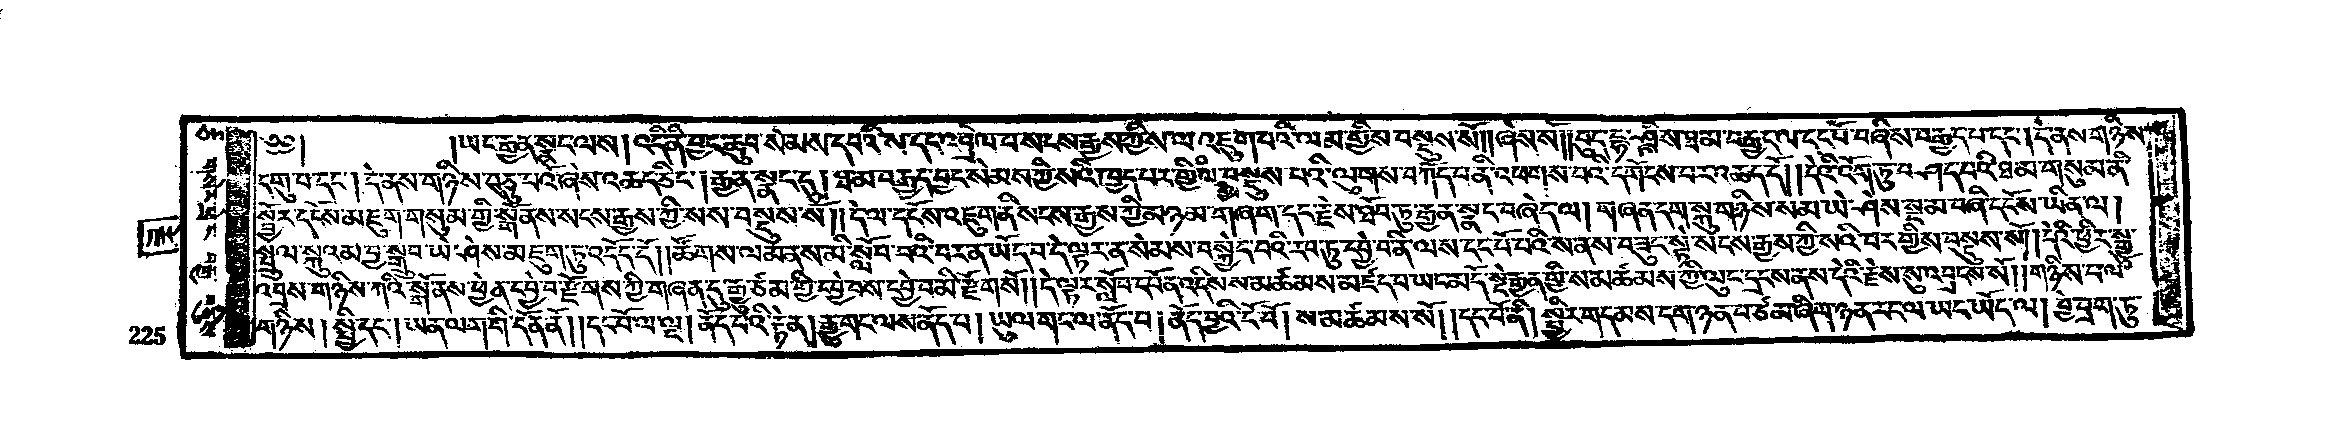༄༅། །ཡང་རྒྱན་སྣང་ལས། འདི་ནི་བྱང་ཆུབ་སེམས་དཔའི་ས་དང་འབྲེལ་བ་སངས་རྒྱས་ཀྱི་ས་ལ་འཇུག་པའི་ལམ་གྱིས་བསྡུས་སོ། །ཞེས་སོ། །བུད་དྷ་ཤྲཱིས་ཐ་མ་བརྒྱད་ལ་དང་པོ་བཞིས་བརྒྱད་པ་དང་། དེ་ནས་གཉིས་
དགུ་པ་དང་། དེ་ནས་གཉིས་བཅུ་པའོ་ཞེས་འཆད་ཅིང་། རྒྱན་སྣང་དུ། ཐ་མ་བརྒྱད་བྱང་སེམས་ཀྱི་སའི་ཁྱད་པར་གྱི་ལམ་གྱིས་བསྡུས་པའི་ལུགས་བཀོད་པ་ནི་འཕགས་པའི་དགོངས་པར་འཆད་དོ། །དེའི་འོག་ཏུ་བཤད་པའི་ཐ་མ་གསུམ་ནི་
སྦྱོར་དངོས་མཇུག་གསུམ་གྱི་སྒོ་ནས་སངས་རྒྱས་ཀྱི་སས་བསྡུས་སོ། །དེ་ལ་དངོས་འཇུག་ནི་སངས་རྒྱས་ཀྱི་མཉམ་གཞག་དང་རྗེས་ཐོབ་ཏུ་རྒྱན་སྣང་བཞེད་ལ། གཞན་དག་སྐུ་གཉིས་སམ་ཡེ་ཤེས་སྔ་མ་བཞི་དངོས་ཡིན་ལ།
སྤྲུལ་སྐུའམ་བྱ་སྒྲུབ་ཡེ་ཤེས་མཇུག་ཏུ་འདོད་དོ། །ཚོགས་ལམ་ནས་མི་སློབ་པའི་བར་ན་ཡོད་པ་དེ་ལྟར་ན་སེམས་བསྐྱེད་པའི་རབ་ཏུ་དབྱེ་བ་ནི་ལས་དང་པོ་བའི་ས་ནས་བཟུང་སྟེ་སངས་རྒྱས་ཀྱི་སའི་བར་གྱིས་བསྡུས་སོ། །དེའི་ཕྱིར་སྒྱུ་
འབྲས་གཉིས་ཀའི་སྒོ་ནས་ཕྱེ་ན་དབྱེ་བ་རྫོགས་ཀྱི་གཞན་དུ་རྒྱུ་ཙམ་གྱི་དབྱེ་བས་དབྱེ་བ་མི་རྫོགས་སོ། །དེ་ལྟར་སློབ་དཔོན་འདིས་ས་མཚམས་མཛད་པ་ཡང་མདོ་སྡེ་རྒྱན་གྱི་ས་མཚམས་ཀྱི་ལུང་དྲངས་ནས་དེའི་རྗེས་སུ་འབྲངས་སོ། །གཉིས་པ་ལ་
གཉིས། སྤྱི་དང་། ཡན་ལག་གི་དོན་ནོ། །དང་པོ་ལ་ལྔ། ནོད་པའི་རྟེན། རྒྱུ་གང་ལས་ནོད་པ། ཡུལ་གང་ལ་ནོད་པ། ནོད་བྱའི་ངོ་བོ། ས་མཚམས་སོ། །དང་པོ་ནི། སྤྱིར་གདམས་ངག་ཉན་པ་ཙམ་ཞིག་ཉན་རང་ལ་ཡང་ཡོད་ལ། བྱེ་བྲག་ཏུ་